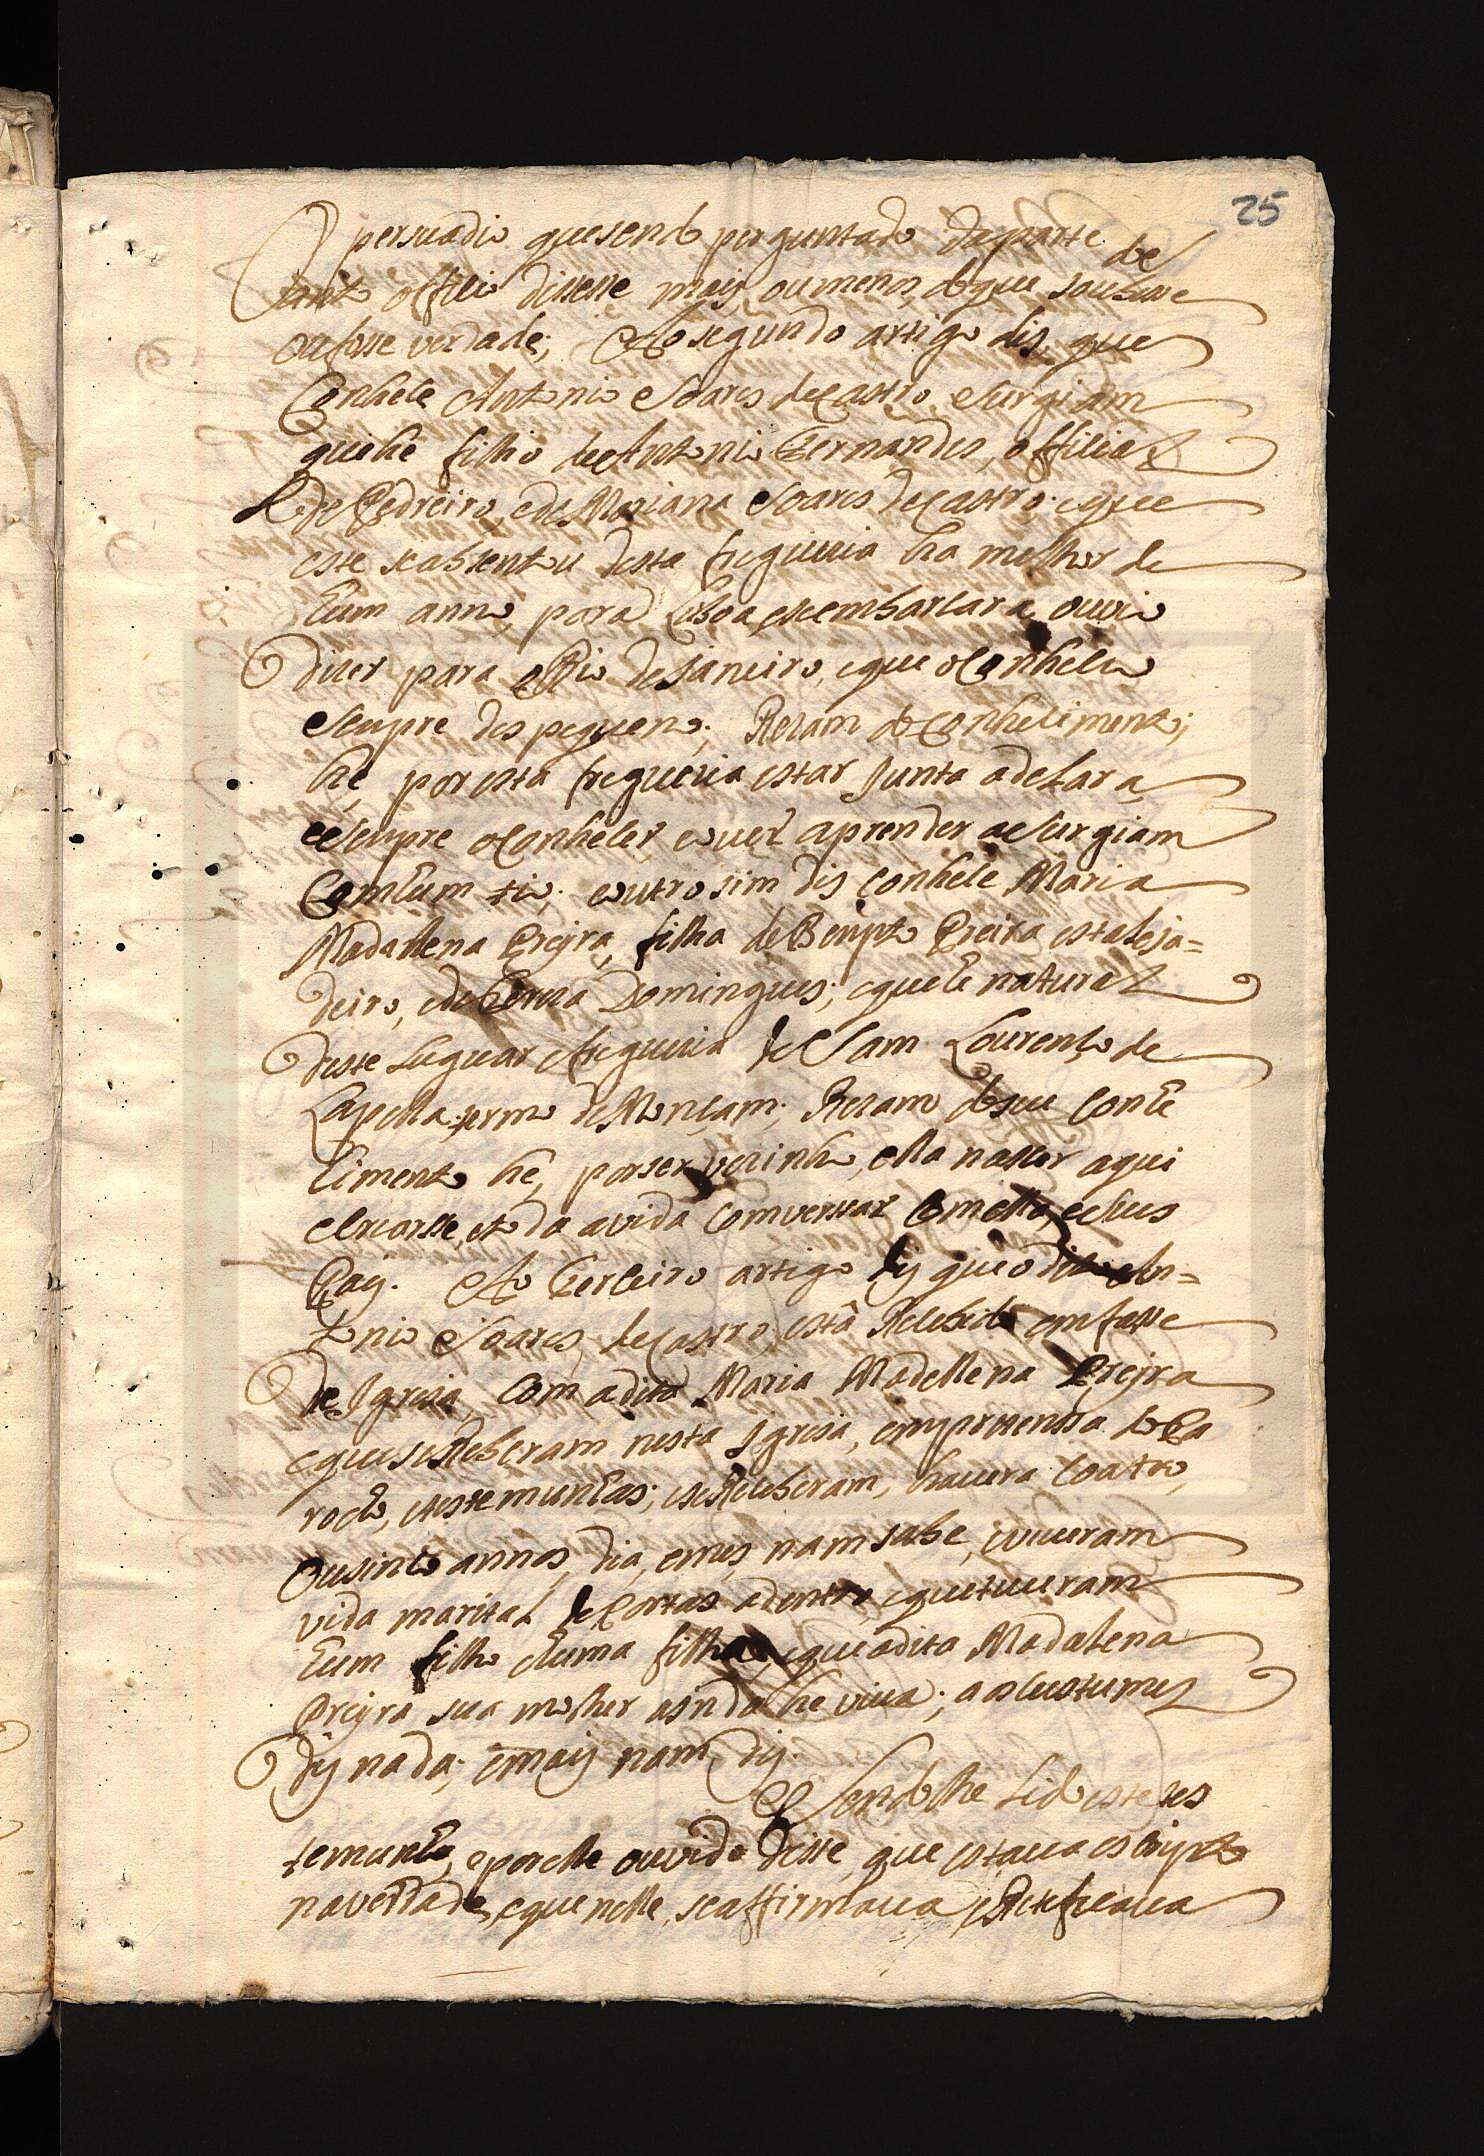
O persuadio que sendo perguntado da parte do S
anto officio dissesse mais ou menos, do que soubesse
ou fosse verdade; Ao segundo artigo dis, que
Conhece Antonio Soares de Castro Surgiam
que he filho de Antonio Fernandes, officiaL
de Pedreiro, e de Mariana Soares de Castro; e que
este se absentou desta freguezia ha melhor de
hum anno, para Lisboa, e se embarcara ouvio
dizer para o Rio de Ianeiro, e que o conhecia
sempre des pequeno; Rezam do conhecimento;
he, por esta freguezia estar junta a delara,
e sempre o Conhecer, e o uer aprender a surgiam
Com hum tio; e outrosim dis conhece Maria
Madallena Preyra, filha de Benpto Preira estaleja
deiro, e de Tereza Domingues; e que he natural
deste Luguar freguezia de Sam Lourenço de
Lapella termo de Monçam; Rezam do seu conhe
Cimento he, por ser vezinho, ella nascer aqui
e crearsse, e toda a vida comverssar com ella, e seus
Paes. Ao Terceiro artigo dis que o dito An
tonio Soares de Castro está Recebido em fasse
de Igreia, com a dita Maria Madellena Prejra
e que se Reberam nesta Igreia, em promessa do Pa
roco, e testemunhas; e se Receberam, hauera coatro,
ou sinco annos, dia, e mes nam sabe, e viueram
vida marital de portas adentro, e que tiueram
hum filho e huma filha, e que a dita Madalena
preyra sua molher ainda he viua; aos custumes
dis nada; e mais nam dis.
Sendolhe lido este tes
temunho, e por elle ouvido disse, que estaua escripto
na verdade, e que nelle se affirmaua, e Reteficaua
